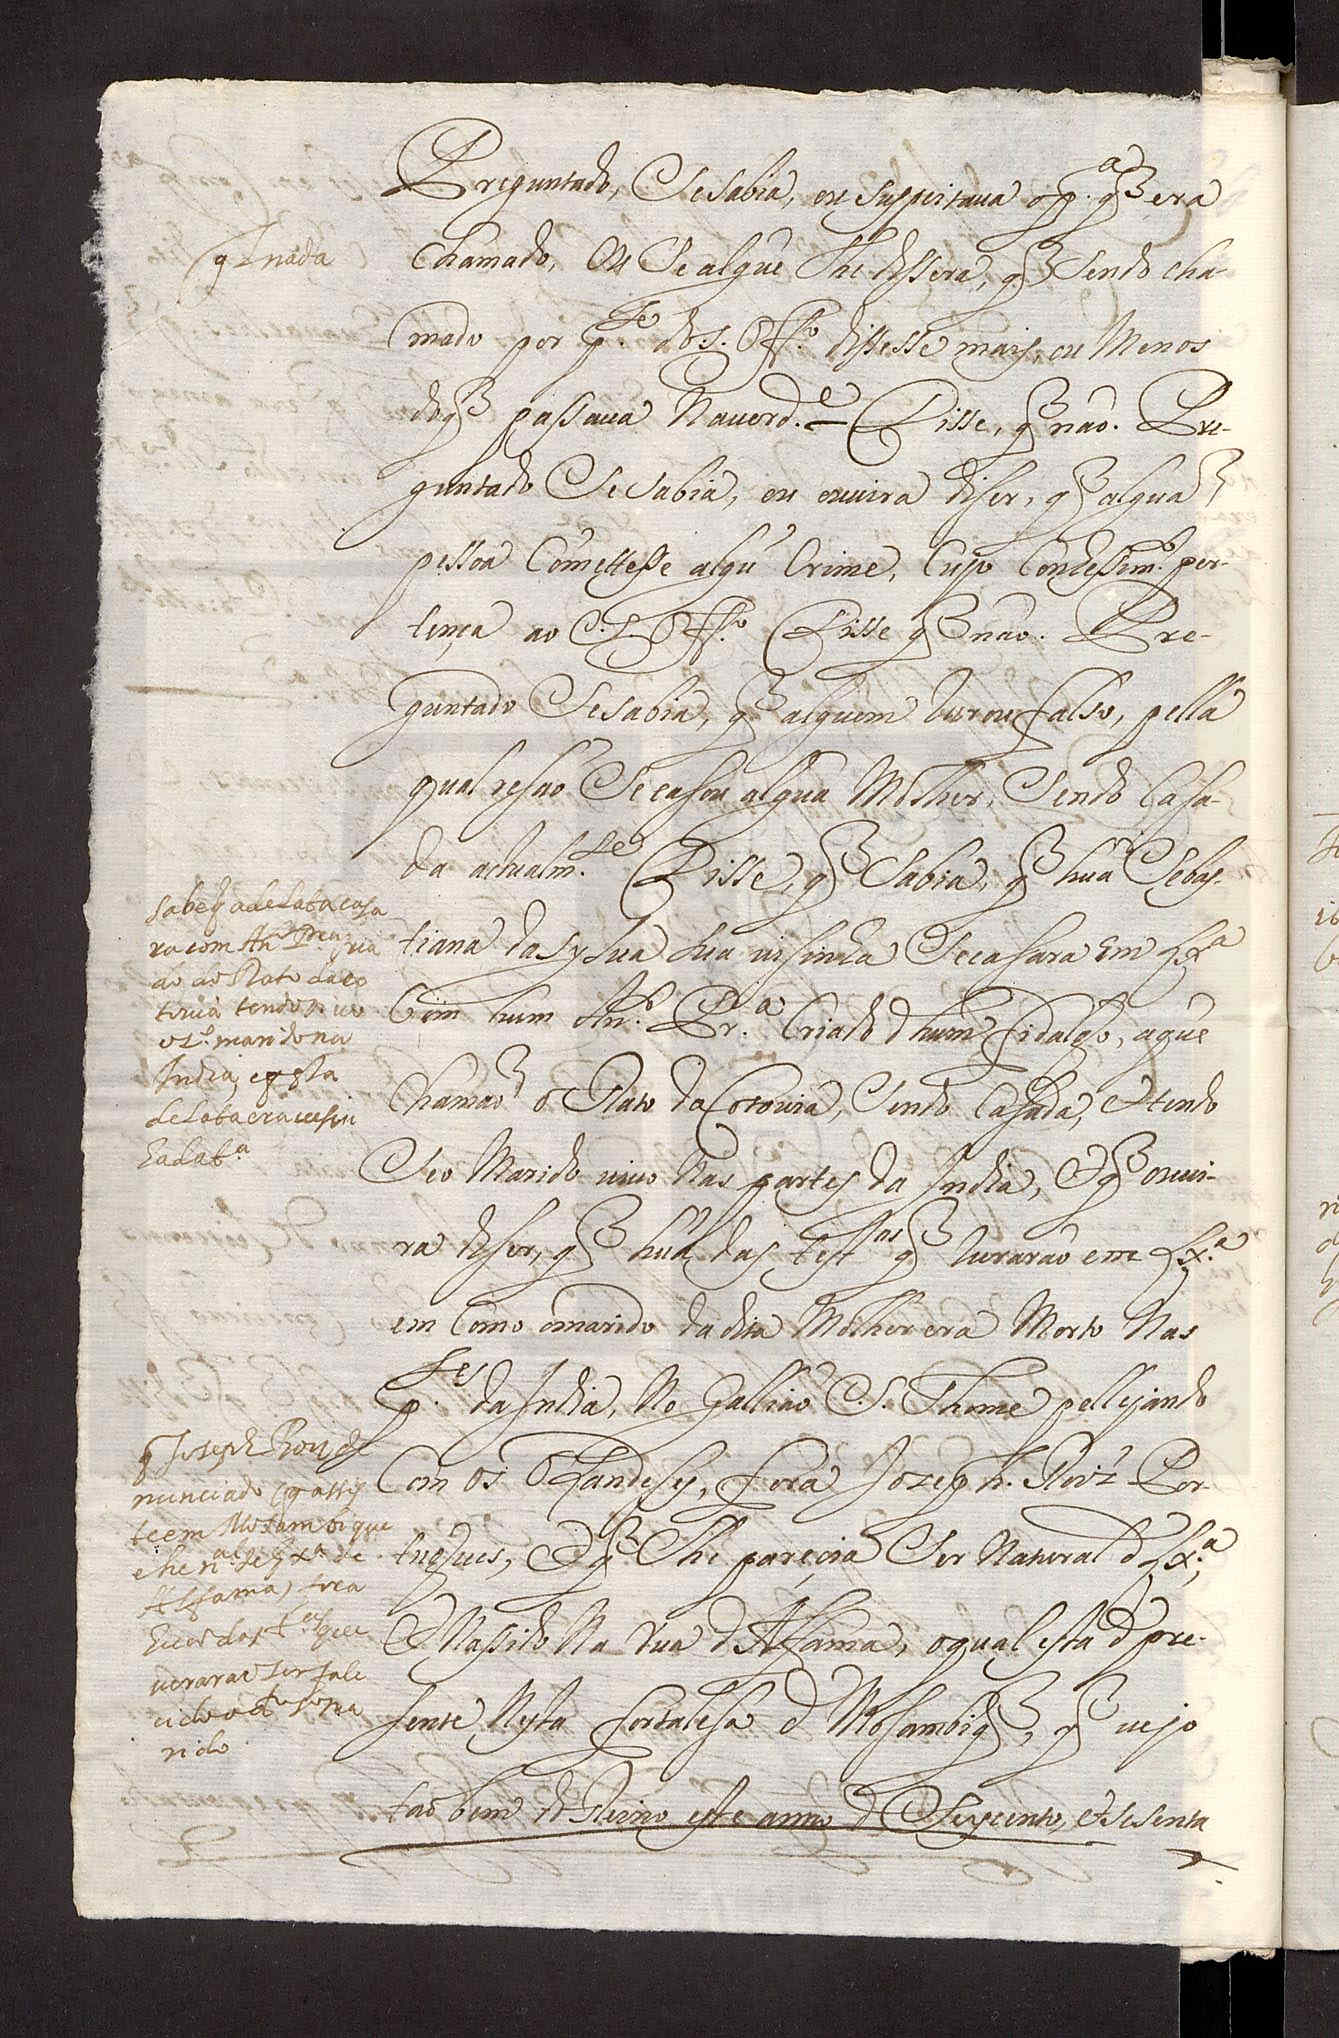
q̄ nada
sabe q̄ a delata casa
ra com Anto Pra Cria
do do Rato da co
touia tendo uiuo
o 1.o mando na
Jndia, e q̄ sta
deLata era uesin
ha da t.a
q̄ Joseph Roiz de
nunciado o q̄ assis
te em Mosambique
e he nal. de Lx.a de
Alfama, fora
huā das t.as que
iurara ser fale
cido o d̄o so ma
rido.
Preguntado, Se sabia, ou suspeitaua o p.a q̄ era
chamado, Ou Se alguē lhe dissera, q̄ sendo cha-
mado por p.te do S. Off.o dissesse mais, ou Menos
do q̄ passaua Na uerd.e - Disse, q̄ naõ. Pre
guntado Se sabia, ou ouuira diser, q̄ alguā
pessoa Com̄ettesse algū Crime, Cujo Conhessim.to per
tença ao S. Off.o Disse q̄ não. Pre
guntado Se Sabia, q̄ alguem Iurou falso, pella
qual resaõ Se casou alguā Molher. Sendo Casa
da actualm.te Disse, q̄ Sabia, q̄ huā Sebas
tiana da Sylua Sua visinha Se casara Em Lxa
Com hum An.to Pr.a Criado d̄ hum fidalgo, a quē
Chamaõ o Rato da Cotouia, Sendo Casada, & tendo
Seo Marido uiuo nas partes da Jndia, & q̄ ouui
ra diser, q̄ hua das testas q̄ Iuraraõ em Lx.a
em Como o marido da dita Molher era Morto Nas
p.tes da Jndia, No Gallião S. Thome pellejando
Com os OLandeses, fora Jozeph Roiz̄ Por
tugues, & q̄ lhe pareçia Ser Natural d̄ Lx;a
& Nassido Na rua d̄ Alfama, o qual esta d̄ pre
sente Nesta fortalesa d̄ Mosambiq̄, q̄ uejo
taõbem do Reino este anno d̄ Seiscento, & sesenta
